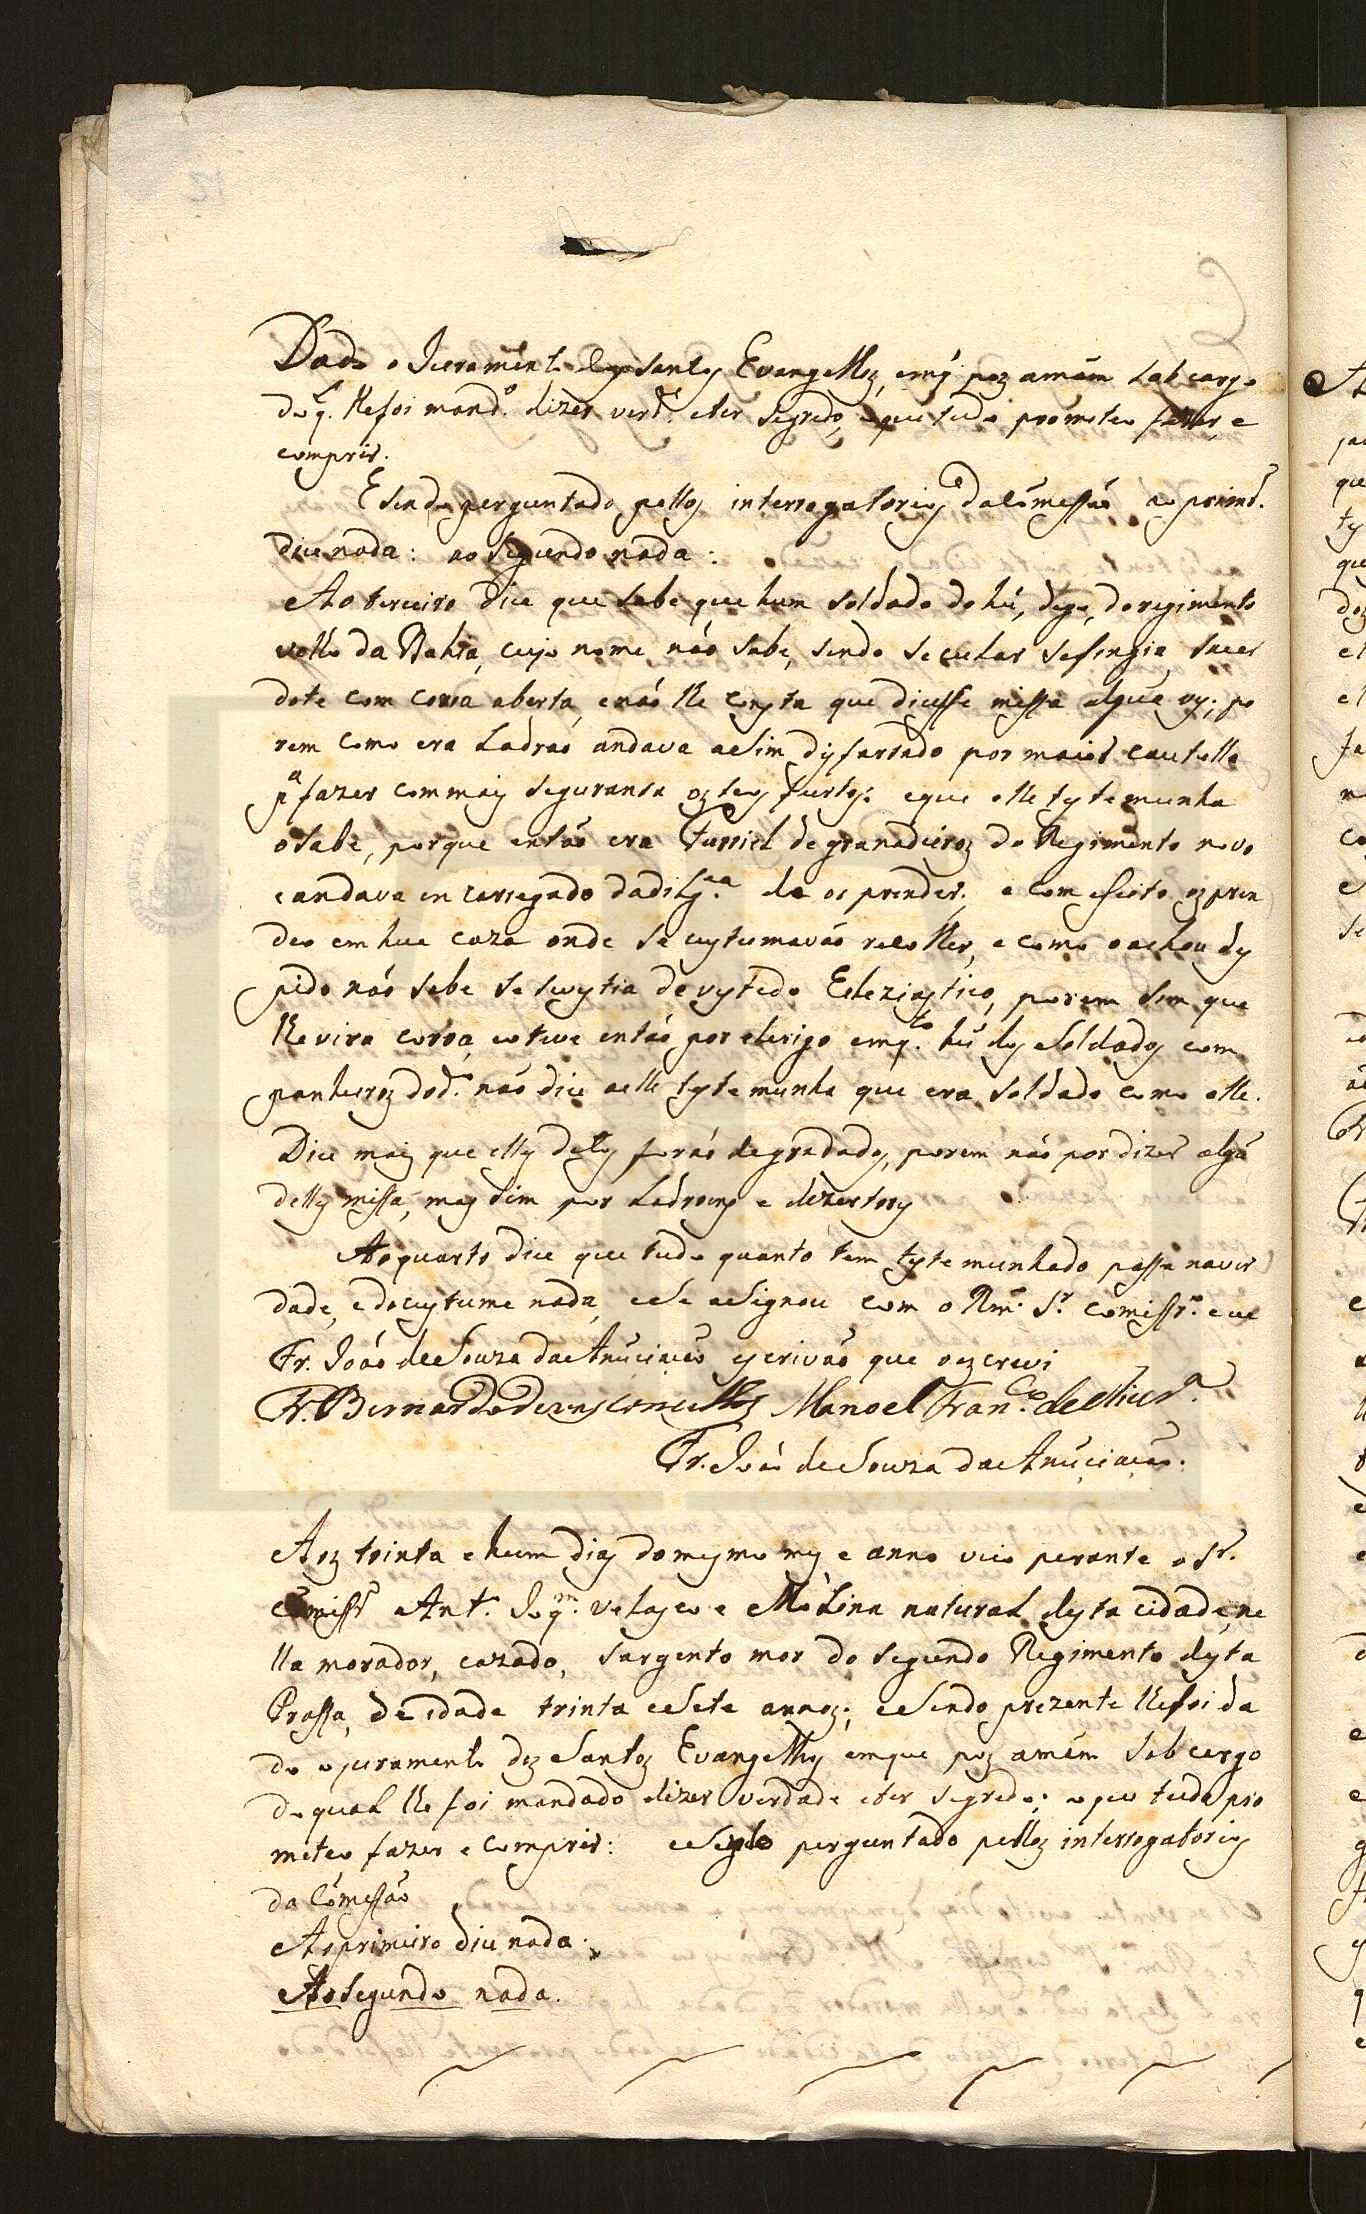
Dado o Iuramento dos santos Evangelhoz, em q̄ poz a mãm sob cargo
do q.l lhe foi mand.o dizer verd.e e ter segredo, e que tudo prometeo fazer, e
comprir.
E sendo perguntado pellos interrogatorios da cōmissão ao primr.o
dice nada: ao segundo nada:
Ao terceiro dice que sabe que hum soldado do hū, digo, do regimento
velho da Bahia, cujo nome não sabe, sendo secular se fingia sacer
dote com coroa aberta, e não lhe consta que dicesse missa algūa ves; po
rem como era Ladraõ andava asim disfarsado por maior cautella
p.a fazer com mais seguransa oz seos furtos: e que elle testemunha
o sabe, porque então era Furriel de granadeiroz do Regimento novo
e andava encarregado da diLg.ca de os prender; e com efeito oz pren
deo em hua caza onde se custumavaõ recolher, e como o achou des
pido naõ sabe se se vestia de vestido EcLeziastico, porem sim que
lhe vira coroa, e o teve entaõ por cLeigo emq.to hū dos soldados com
panheiroz do d.o naõ dice a elle testemunha que era soldado como elle.
Dice mais que elles ditos foraõ degredados, porem naõ por dizer algū
delles missa, mas sim por Ladroens e dezertores
Ao quarto dice que tudo quanto tem testemunhado passa na ver
dade, e do custume nada, e se asignou com o Rm.o S.r Comissr.o e eu
Fr. Ioão de Souza da Anūciaçaõ escrivaõ que o ezcrevi
Aoz trinta e hum dias do mesmo mes e anno veio perante o Sr.
c_missr.o Ant.o Ioqm. veLasco e MoLina natural desta cidade, ne
lla morador, cazado, sargento mor do segundo Regimento desta
Prassa, de idade trinta e sete annoz; e sendo prezente lhe foi da
do o juramento doz Santoz Evangelhos em que poz a mãm sob cargo
do quaL lhe foi mandado dizer verdade e ter segredo; o que tudo pro
meteo fazer e cumprir: e segdo perguntado pelloz interrogatorios
da Cōmissão
Ao primeiro dice nada;
Ao segundo nada.
